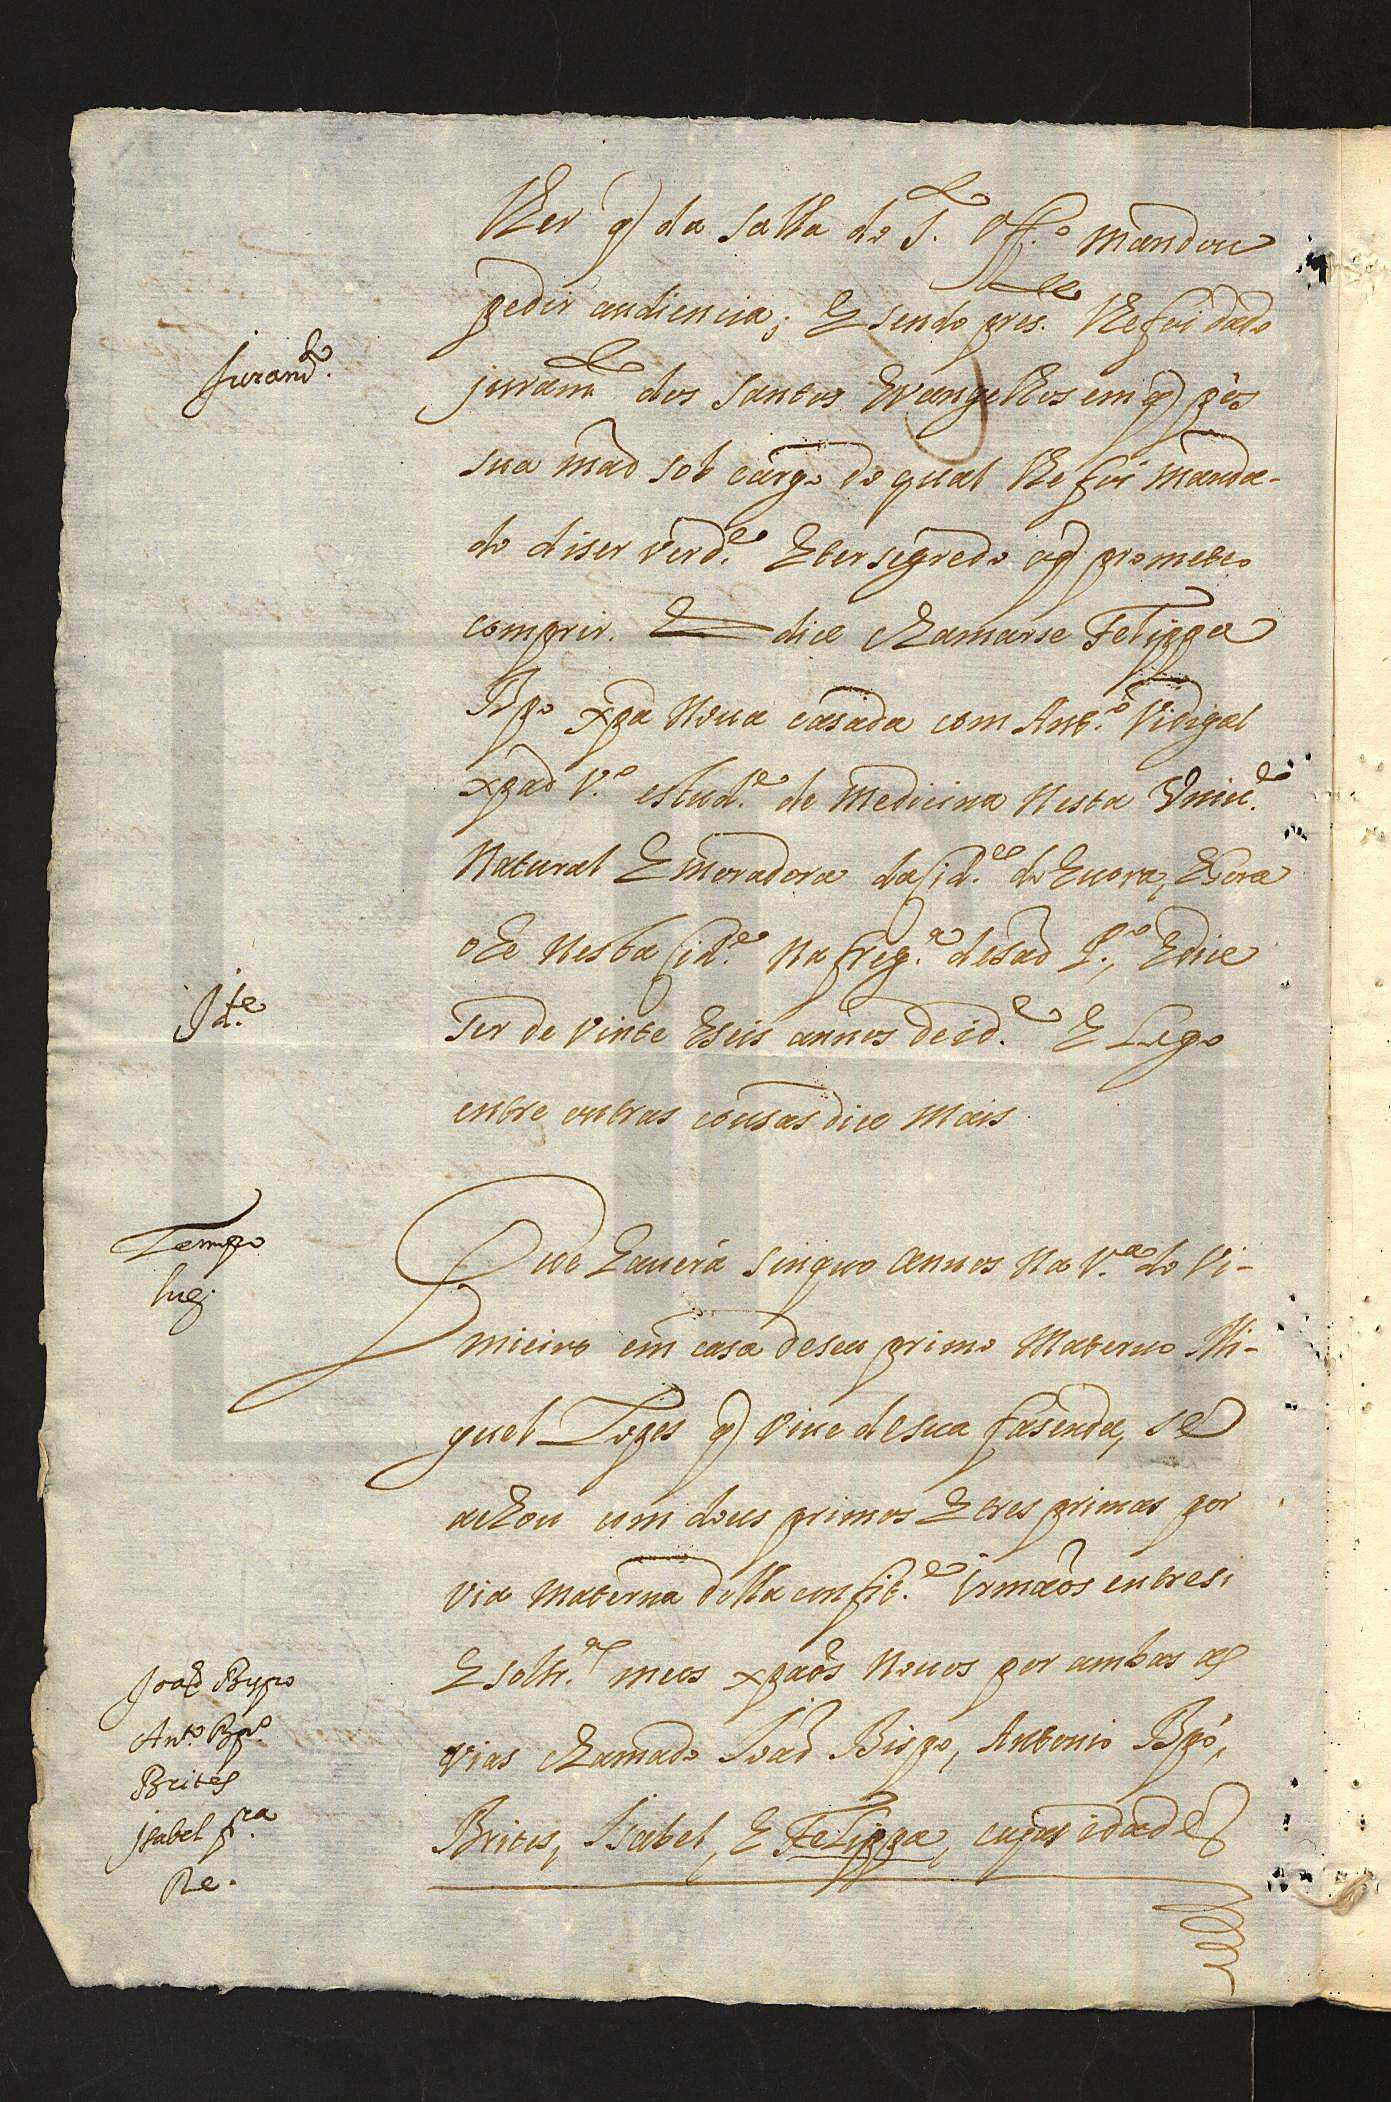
lher q̅ da salla do s.to Off.o mandou
pedir audiencia; E sendo pres.te lhe foi dado
juram.to dos Santos Evangelhos em q̅ pōs
sua mão sob cargo do qual lhe foi manda
do diser verd.e E ter segredo o q̅ prometeo
comprir. E dice chamarse Felippa
Bpo xpa̅ noua casada com Ant.o Vidigal
xpão v.o estud.e de medicina nesta Vniu.e
natural E moradora da Cid.e de Euora, E hora
o he nesta Cid.e na freg.a de são P.o E dice
ser de vinte E seis annos de id.e E Logo
entre outras cousas dice mais
Que hauerá sinquo annos na V.a do Vi
mieiro em casa de seu primo materno Mi
guel Lopes q̅ viue de sua fasenda, se
achou com dous primos E tres primas por
via materna della confit.e iImãos entre si
E soltr.os meos xpãos nouos por ambas as
vias chamado Ioão Bispo, Antonio Bpo̅,
Brites, Isabel, E Felippa, cujas idades
